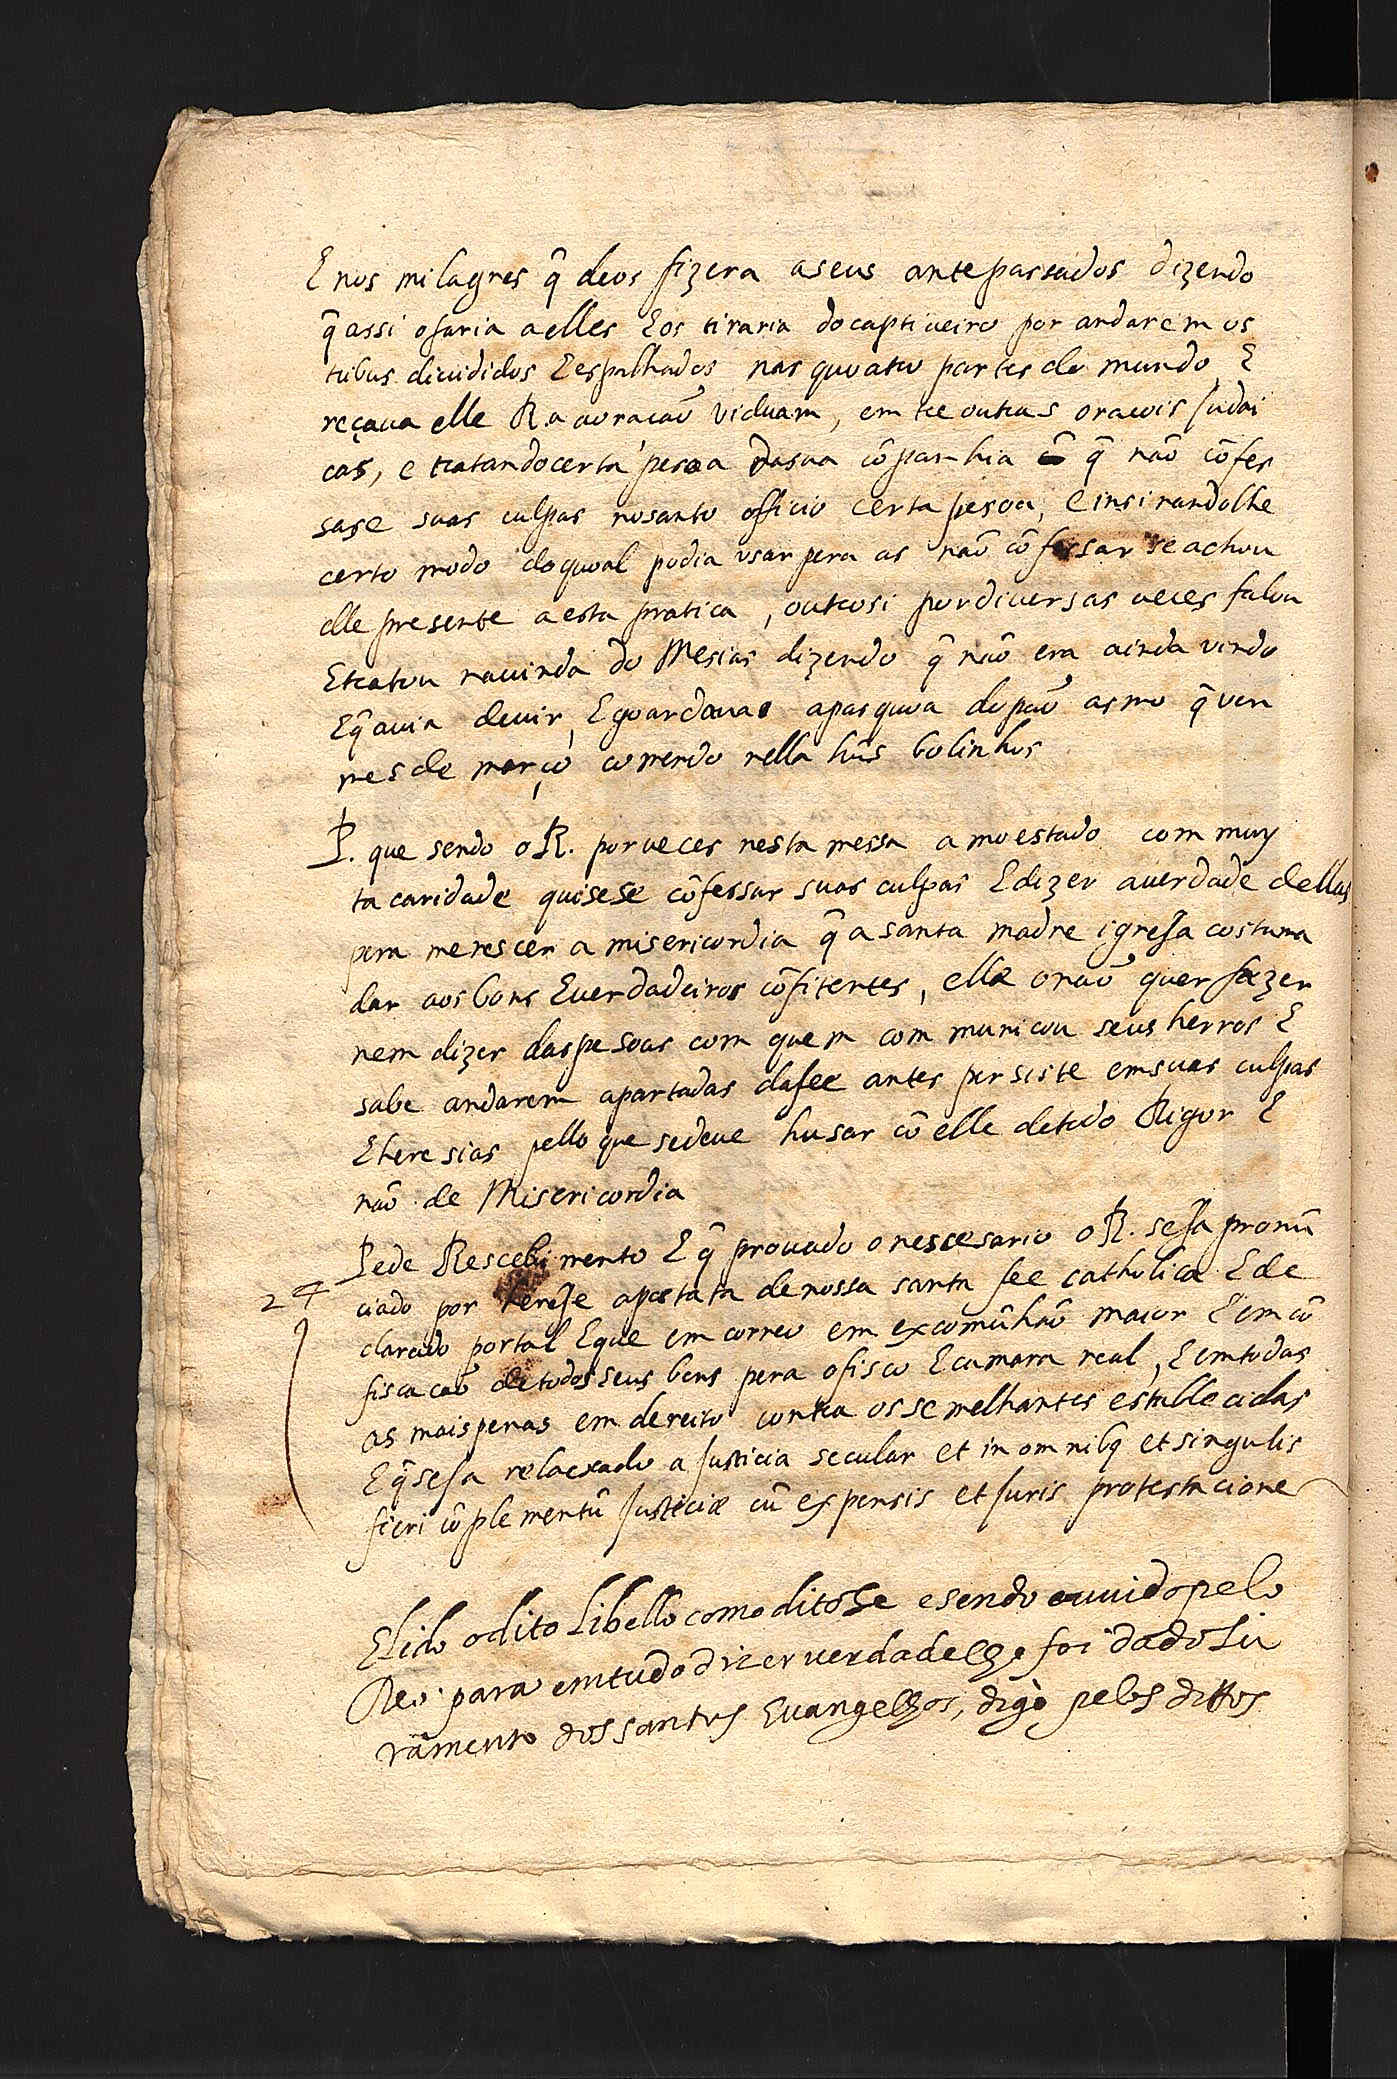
E nos milagres q̄ deos fizera a seus antepassados dizendo
q̄ assi o faria a elles E os tiraria do captiueiro por andarem os
tribus diuididos E espalhados nas quoatro partes do mundo E
reçaua elle R. a aoraçaõ viduam, emtre outras oracois Judai
cas, e tratando certa pesoa da sua cōpanhia cō q̄ nāo cōfes
sase suas culpas no santo officio certa pesoa, e insinandolhe
certo modo do qual podia vsar pera as naõ cōfessar se achou
elle presente a esta pratica, outrosi por diuersas ueces falou
E tratou na uinda do Mesias dizendo q̄ naõ era ainda vindo
E q̄ auia de uir, E goardauas a pasquoa do paõ asmo q̄ ven
mes de março comendo nella hūs bolinhos
P. que sendo o R. por ueces nesta messa amoestado com muy
ta caridade quisese cōfessar suas culpas E dizer a uerdade dellas
pera merescer a misericordia q̄ a santa madre igreJa costuma
dar aos bons E uerdadeiros cōfitentes, elle o naõ quer fazer
nem dizer das pesoas com quem communicou seus herros E
sabe andarem apartadas da fee antes persiste em suas culpas
E heresias pello que se deue husar cō elle de todo Rigor E
naõ de Misericordia
Pede Rescebimento E q̄ prouado o nescesario o R. seJa pronū
ciado por hereJe apostata de nossa santa fee catholica E de
clarado por tal E que emcorreo em excomūhaõ maior E em cō
fiscacaõ de todos seus bens pera o fisco E camara real, E com todas
as mais penas em dereito contra os semelhantes establecidas
E q̄ seJa relacxado a Justicia secular et in omnibꝯ et singulis
fieri cōplementū Justiciæ cū expensis et Juris protestacione
E lido o libello como dito he e sendo ouuido pelo
Reo. para em tudo dizer uerdade lhe foi dado Iu
ramento dos santos Euangelhos, digo pelos dittos
